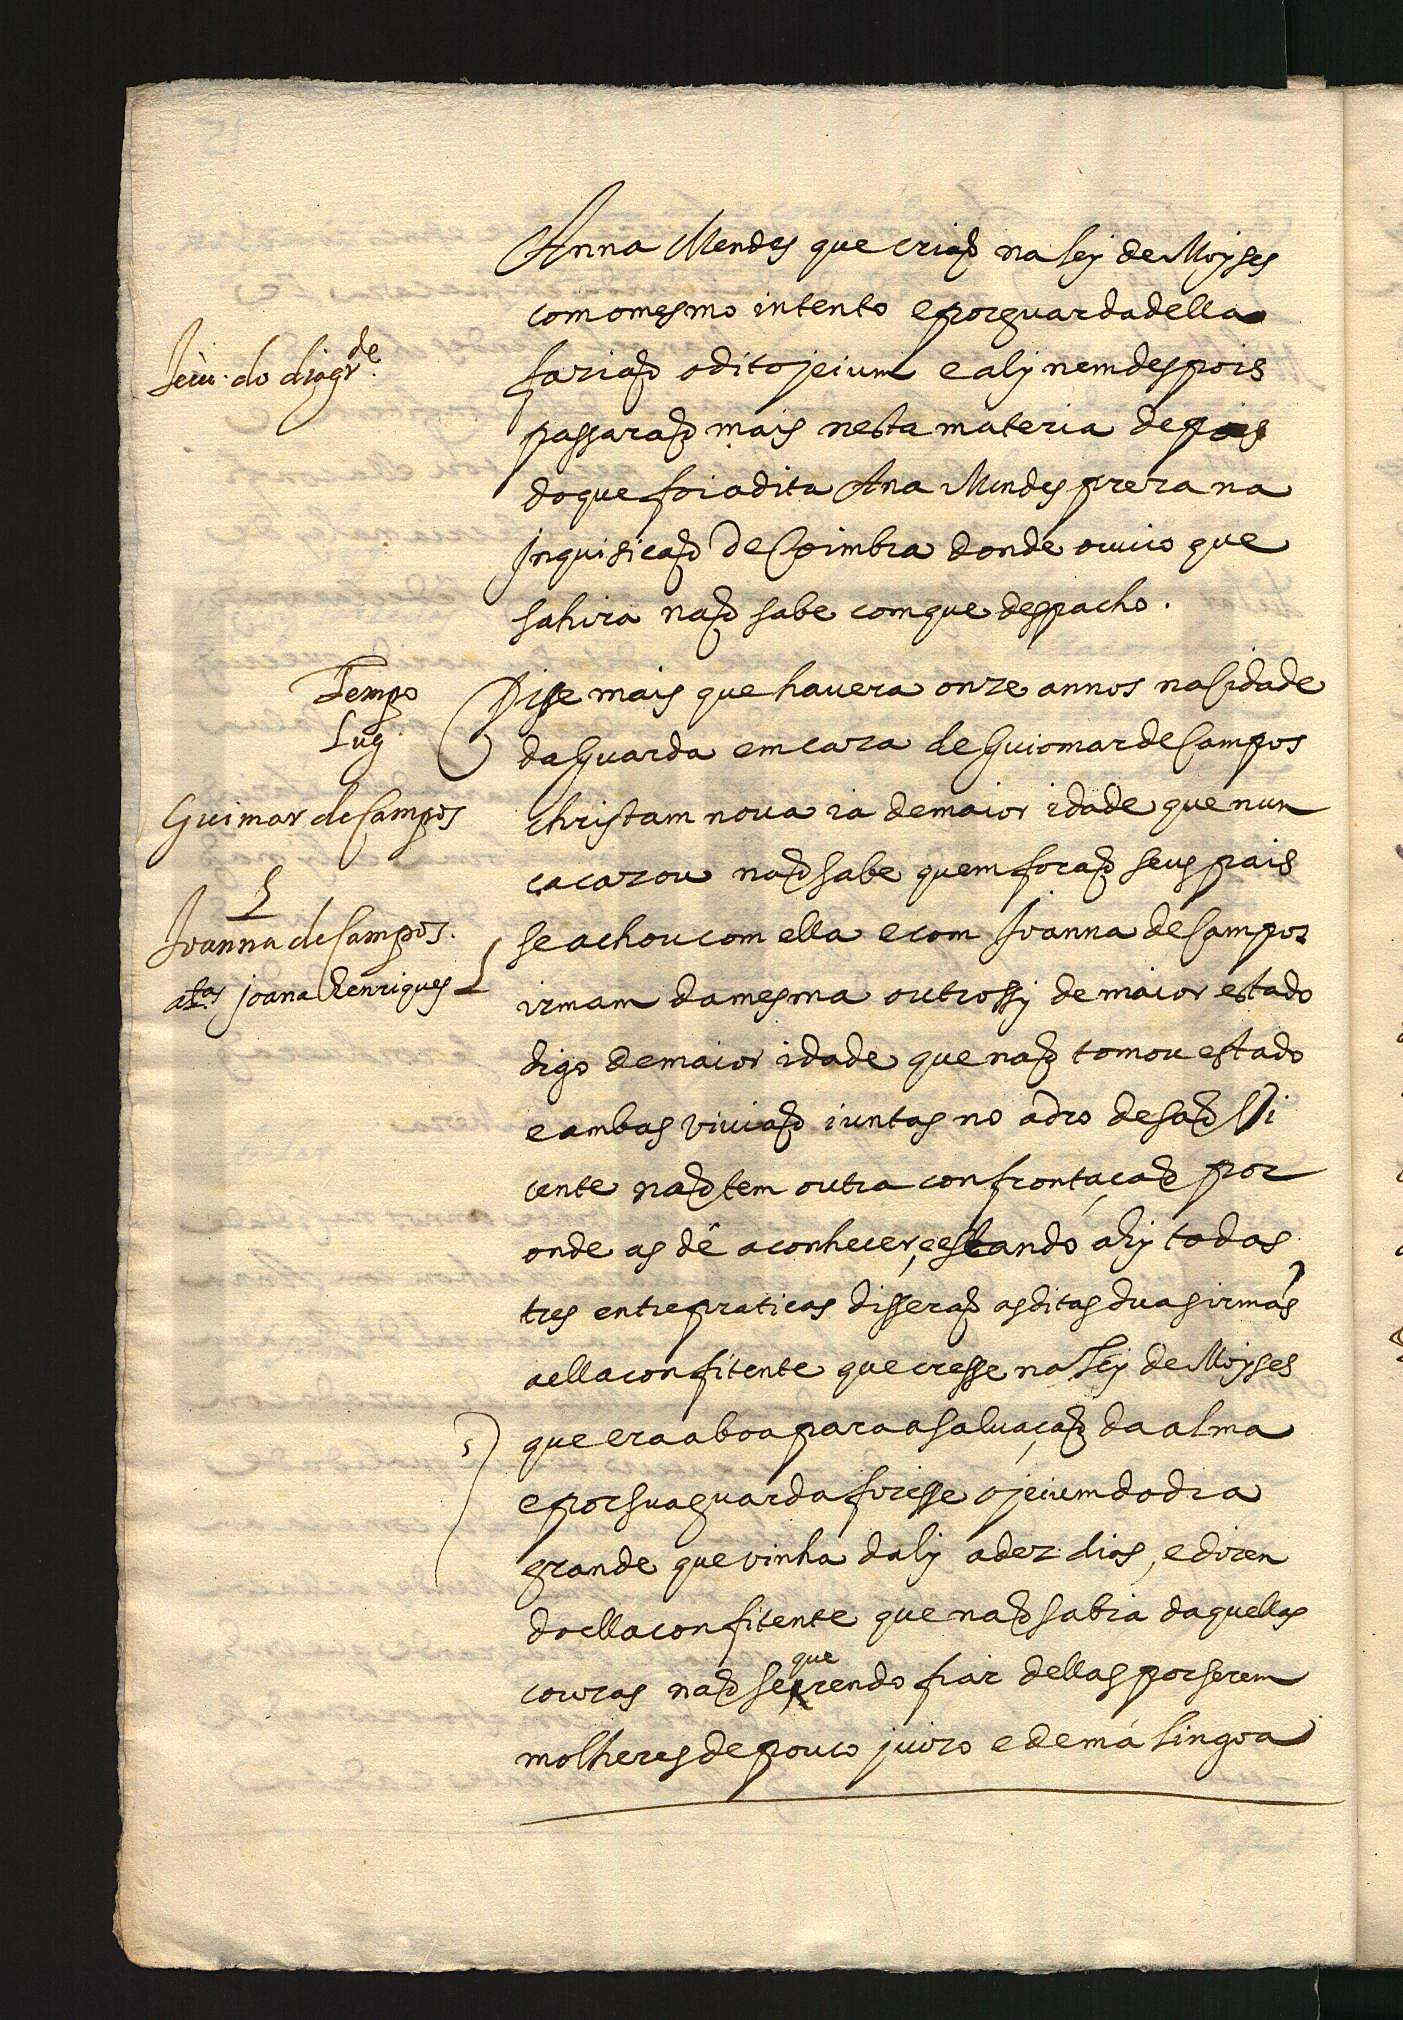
Anna Mendes que criaõ na ley de Moyses
com o mesmo intento e por guarda della
faziaõ o dito jejum, e aly nem despois
Ieiū do dia gr.de
passaraõ mais nesta materia depois
do que foi a dita Ana Mendes preza na
Jnquisiçaõ de Coimbra donde ouuio que
sahira naõ sabe com que despacho.
Disse mais que hauera onze annos na Cidade
Tempo
Lug
da Guarda em caza de Guiomar de Campos
christam noua ia de maior idade que nun
Guimar de Campos
ca cazou naõ sabe quem foraõ seus pais
se achou com ella e com Joanna de Campos
Joanna de Campos.
a t.as joana henriques L
irmam da mesma outrossy de maior estado
digo de maior idade que naõ tomou estado
e ambas viuiaõ iuntas no adro de saõ Vi
cente naõ tem outra confrontaçaõ por
onde as dê a conhecer, e estando ahy todas
tres entre praticas disseraõ as ditas duas irmās
a ella confitente que cresse na ley de Moyses
que era a boa para a saluaçaõ da alma
e por sua guarda fizesse o jeium do dia
grande que vinha daly a dez dias, e dizen
do ella confitente que naõ sabia daquellas
couzas naõ se querendo fiar dellas por serem
molheres de pouco juizo e de má lingoa
